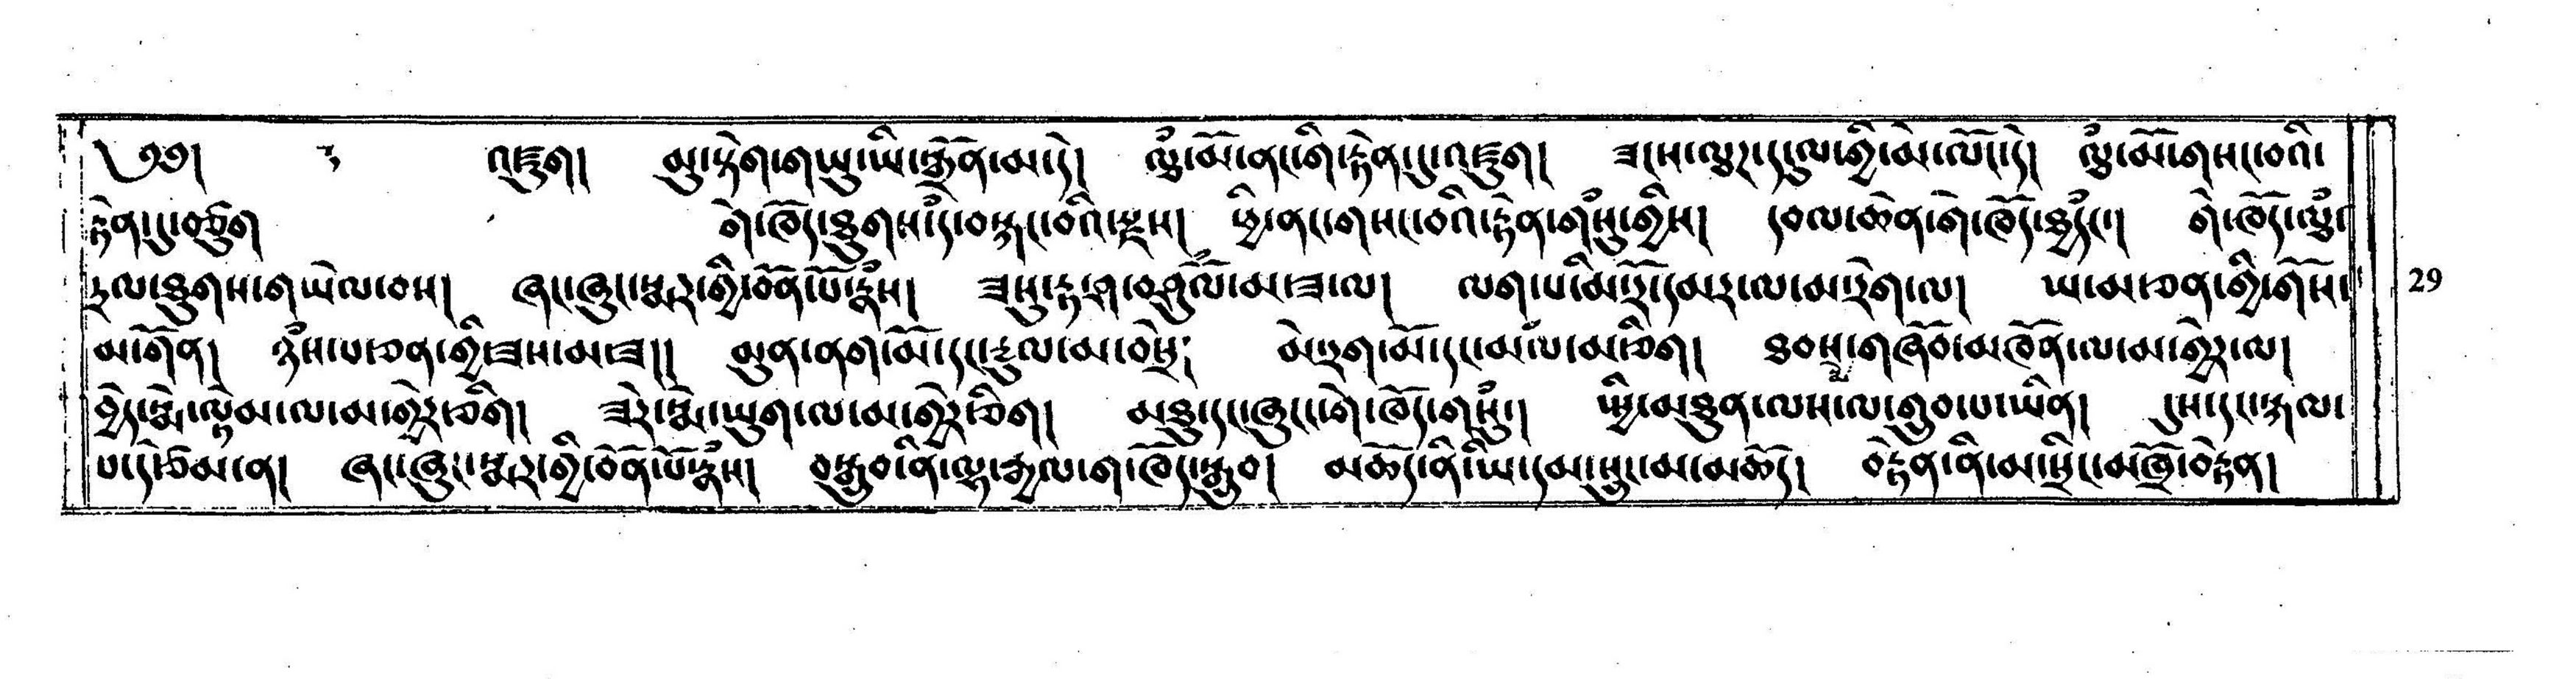འཛུག མུ་སྟེག་གཡུ་ཡི་སྒྲོན་མ་དེ། ལྕམ་མོ་ནང་གི་རྟེན་དུ་འཛུག ཟངས་ལྕགས་དངུལ་གྱི་མེ་ལོང་དེ། ལྕམ་མོ་གསང་བའི་
རྟེན་དུ་བཙུག གེ་ཁོད་ཐུགས་དམ་བསྐང་བའི་རྫས། ཕྱི་ནང་གསང་བའི་རྟེན་གསུམ་གྱིས། དབལ་ཆེན་གེ་ཁོད་ཐུགས་དམ་བསྐང་། གེ་ཁོད་ལྕམ་
དྲལ་ཐུགས་གཡེལ་བས། ཞང་ཞུང་སྨར་གྱི་བོན་པོ་རྣམས། ཟས་སུ་རྟ་ཤ་བཤུལ་མོ་མ་ཟ་ལ། ལག་པ་མི་རོ་དམར་ལ་མ་རེག་ལ། ཡ་མ་ཅན་གྱི་གོས་
མ་གོན། ཉམས་པ་ཅན་གྱི་ཟས་མ་ཟ།། མུན་ནག་མོ་དང་རྔུལ་མ་བསྲེ། མེ་རག་མོ་དང་མལ་མ་གཅིག ཐབས་གཞོབ་མཁོན་ལ་མ་གྱེར་ལ། 
བྱེད་སྨེ་ལྟེམ་ལ་མ་གྱེར་ཅིག ཟེར་སྨེ་ཡུག་ལ་མ་གྱེར་ཅིག མཐུ་དང་ཞང་ཞུང་གེ་ཁོད་གསུམ། སྤྱི་མཐུན་ལས་ལ་གྲུབ་པ་ཡིན། དུས་དང་སྐལ་
པ་དེ་ཙམ་ན། ཞང་ཞུང་སྨར་གྱི་བོན་པོ་རྣམས། བསྒྲུབ་ནི་ལྷ་རྒྱལ་གེ་ཁོད་སྒྲུབ། མཆོད་ནི་ཡི་དམ་སྲུང་མ་མཆོད། བརྟེན་ནི་མ་སྲིང་མཁའ་འགྲོ་བརྟེན།